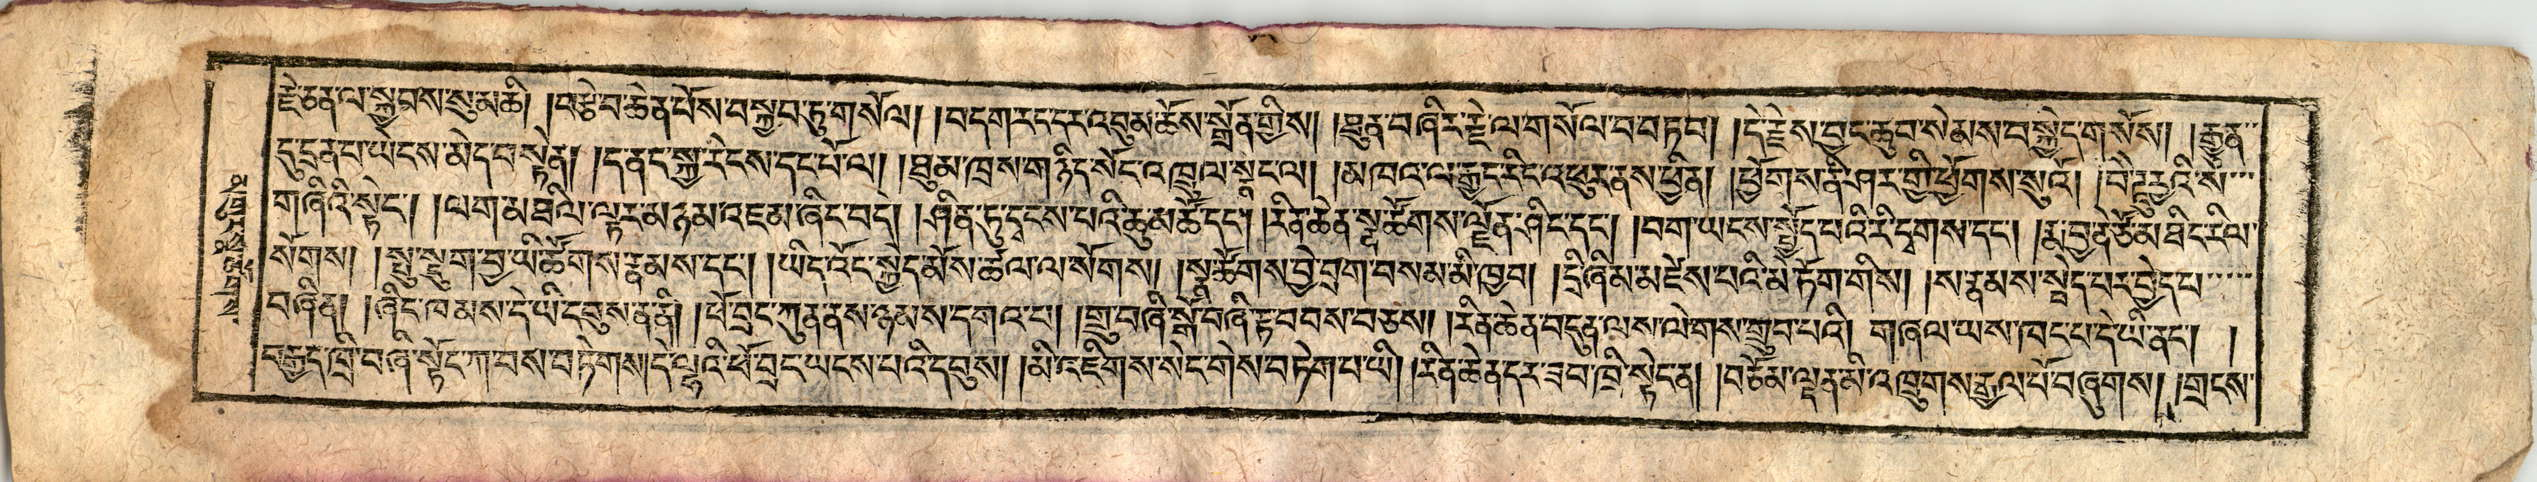རྗེ་ཅན་ལ་སྐྱབས་སུ་མཆི། །བརྩེ་བ་ཆེན་པོས་བསྐྱབ་ཏུ་གསོལ། །བདག་རང་དར་འབུམ་ཆོས་སྒྲོན་གྱིས། །ཐུན་བཞིར་རྗེ་ལ་གསོལ་བ་བཏབ། །དེ་རྗེས་བྱང་ཆུབ་སེམས་བསྐྱེད་གསོས། །རྒྱུན་
དུ་དྲན་པ་ཡེངས་མེད་བསྟེན། །ད་ནང་སྐྱ་རེངས་དང་པོ་ལ། །ཐུམ་ཁྲས་གཉིད་སོང་འཁྲུལ་སྣང་ལ། །མཁའ་ལ་རྒྱང་རིང་འཕུར་ནས་ཕྱིན། །ཕྱོགས་ནི་ཤར་གྱི་ཕྱོགས་སུའོ། །བེ་ཌཱུརྱའི་ས་
གཞིའི་སྟེང་། །ལག་མཐིལ་ལྟར་མཉམ་འཇམ་ཞིང་བདེ། །ཤིན་ཏུ་དྭངས་པའི་ཆུ་མཚོ་དང་། །རིན་ཆེན་སྣ་ཚོགས་ལྗོན་ཤིང་དང་། །བག་ཡངས་སྤྱོད་པའི་རི་དྭགས་དང་། །རྨ་བྱ་ནེ་ཙོ་མཐིང་རིལ་
སོགས། །སྤུ་སྡུག་བྱ་ཡི་ཚོགས་རྣམས་དང་། །ཡིད་འོང་སྐྱེད་མོས་ཚལ་ལ་སོགས། །སྣ་ཚོགས་བྱེ་བྲག་བསམ་མི་ཁྱབ། །དྲི་ཞིམ་མཛེས་པའི་མ་ཏོག་གིས། །ས་རྣམས་སྦེད་པར་བྱེད་པ་
བཞིན། །ཞིང་ཁམས་དེ་ཡི་དབུས་ན་ནི། །ཕོ་བྲང་ཀུན་ནས་ཉམས་དགའ་པ། །གྲུ་བཞི་སྒོ་བཞི་རྟ་བབས་བཅས། །རིན་ཆེན་བདུན་ལས་ལེགས་གྲུབ་པའི། གཞལ་ཡས་ཁང་པ་དེ་ཡི་ནང་། །
བརྒྱད་ཁྲི་བཞི་སྟོང་ཀ་བས་བཏེགས། །དེ་ལྷའི་ཕོ་བྲང་ཡངས་པའི་དབུས། །མི་འཇིགས་སེང་གེས་བཏེག་པ་ཡི། །རིན་ཆེན་དར་ཟབ་ཁྲི་སྟེང་ན། །བཅོམ་ལྡན་མི་འཁྲུགས་རྒྱལ་པོ་བཞུགས། །གྲངས་